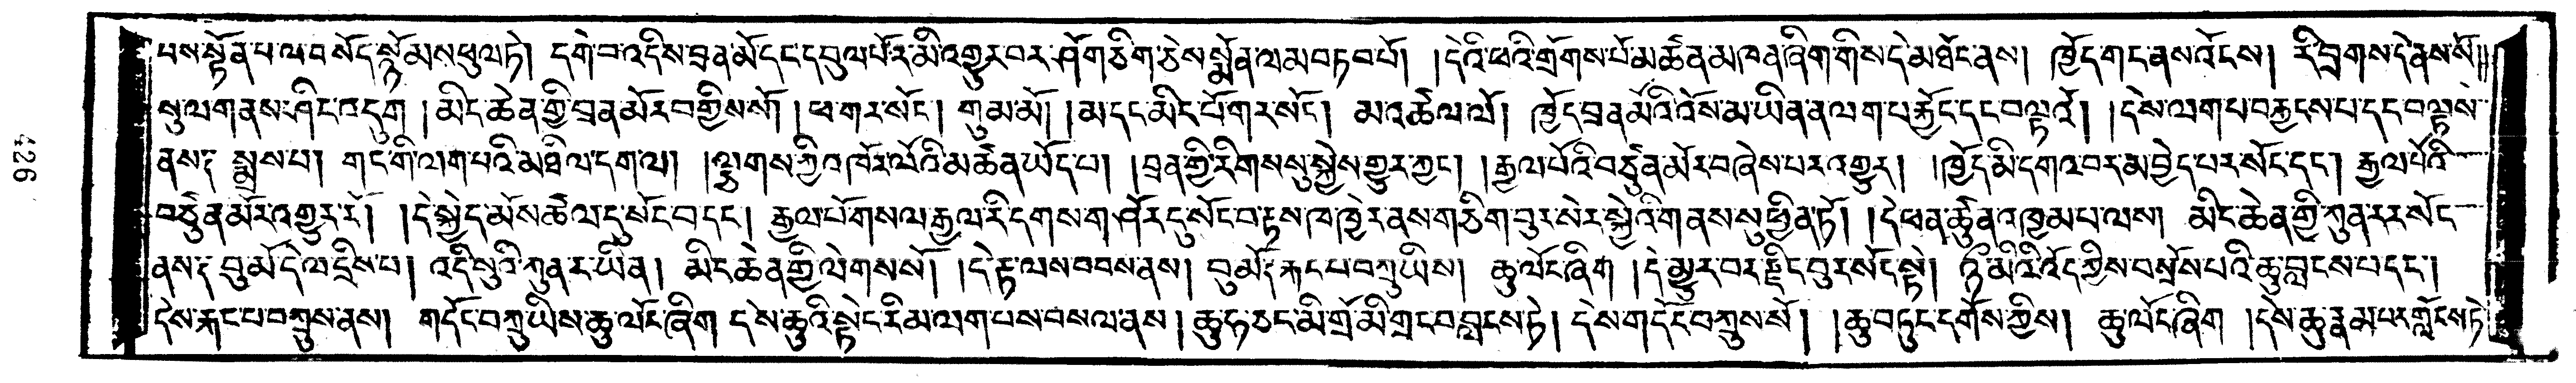པས་སྟོན་པ་ལ་བསོད་སྙོམས་ཕུལ་ཏེ། དགེ་བ་འདིས་བྲན་མོ་དང་དབུལ་པོར་མི་འགྱུར་བར་ཤོག་ཅིག་ཅེས་སྨོན་ལམ་བཏབ་པོ། །དེའི་ཕའི་གྲོགས་པོ་མཚན་མཁན་ཞིག་གིས་དེ་མཐོང་ནས། ཁྱོད་གང་ནས་འོངས། རི་བྲགས་དེ་ནས་སོ།།
སུ་ལ་གནས་ཤིང་འདུག །མིང་ཆེན་གྱི་བྲན་མོར་བགྱིས་སོ། །ཕ་གར་སོང་། གུམ་མོ། །མ་དང་མིང་པོ་གར་སོང་། མ་འཚལ་ལོ། ཁྱོད་བྲན་མོའི་འོས་མ་ཡིན་ན་ལག་པ་རྐྱོང་དང་བལྟའོ། །དེས་ལག་པ་བརྐྱངས་པ་དང་བལྟས་
ནས༑ སྨྲས་པ། གང་གི་ལག་པའི་མཐིལ་དག་ལ། །ལྕགས་ཀྱི་འཁོར་ལོའི་མཚན་ཡོད་པ། །བྲན་གྱི་རིགས་སུ་སྐྱེས་གྱུར་ཀྱང་། །རྒྱལ་པོའི་བཙུན་མོར་བཞེས་པར་འགྱུར། །ཁྱོད་མི་དགའ་བར་མ་བྱེད་པར་སོང་དང་། རྒྱལ་པོའི་
བཙུན་མོར་འགྱུར་རོ། །དེ་སྐྱེད་མོས་ཚལ་དུ་སོང་བ་དང་། རྒྱལ་པོ་གསལ་རྒྱལ་རི་དགས་གཤོར་དུ་སོང་བ་རྟས་ཁ་ཁྱེར་ནས་གཅིག་བུར་སེར་སྐྱེའི་གནས་སུ་ཕྱིན་ཏོ། །དེ་ཕན་ཚུན་འཁྱམ་པ་ལས། མིང་ཆེན་གྱི་ཀུན་རར་སོང་
ནས༑ བུ་མོ་དེ་ལ་དྲིས་པ། འདི་སུའི་ཀུན་ར་ཡིན། མིང་ཆེན་གྱི་ལེགས་སོ། །དེ་རྟ་ལས་བབས་ནས། བུ་མོ༑ རྐང་པ་བཀྲུ་ཡིས། ཆུ་ལོང་ཞིག །དེ་མྱུར་བར་རྫིང་བུར་སོང་སྟེ། ཉྀ་མིའི་འོད་ཀྱིས་བསྲོས་པའི་ཆུ་བླངས་པ་དང་།
དེས་རྐང་པ་བཀྲུས་ནས། གདོང་བཀྲུ་ཡིས་ཆུ་ལོང་ཞིག །དེས་ཆུའི་སྟེང་རིམ་ལག་པས་བསལ་ནས། ཆུ་ཧ་ཅང་མི་གྲོ་མི་གྲང་བ་བླངས་ཏེ། དེས་གདོང་བཀྲུས་སོ། །ཆུ་བཏུང་དགོས་ཀྱིས། ཆུ་ལོང་ཞིག །དེས་ཆུ་རྣམ་པར་གློངས་ཏེ་